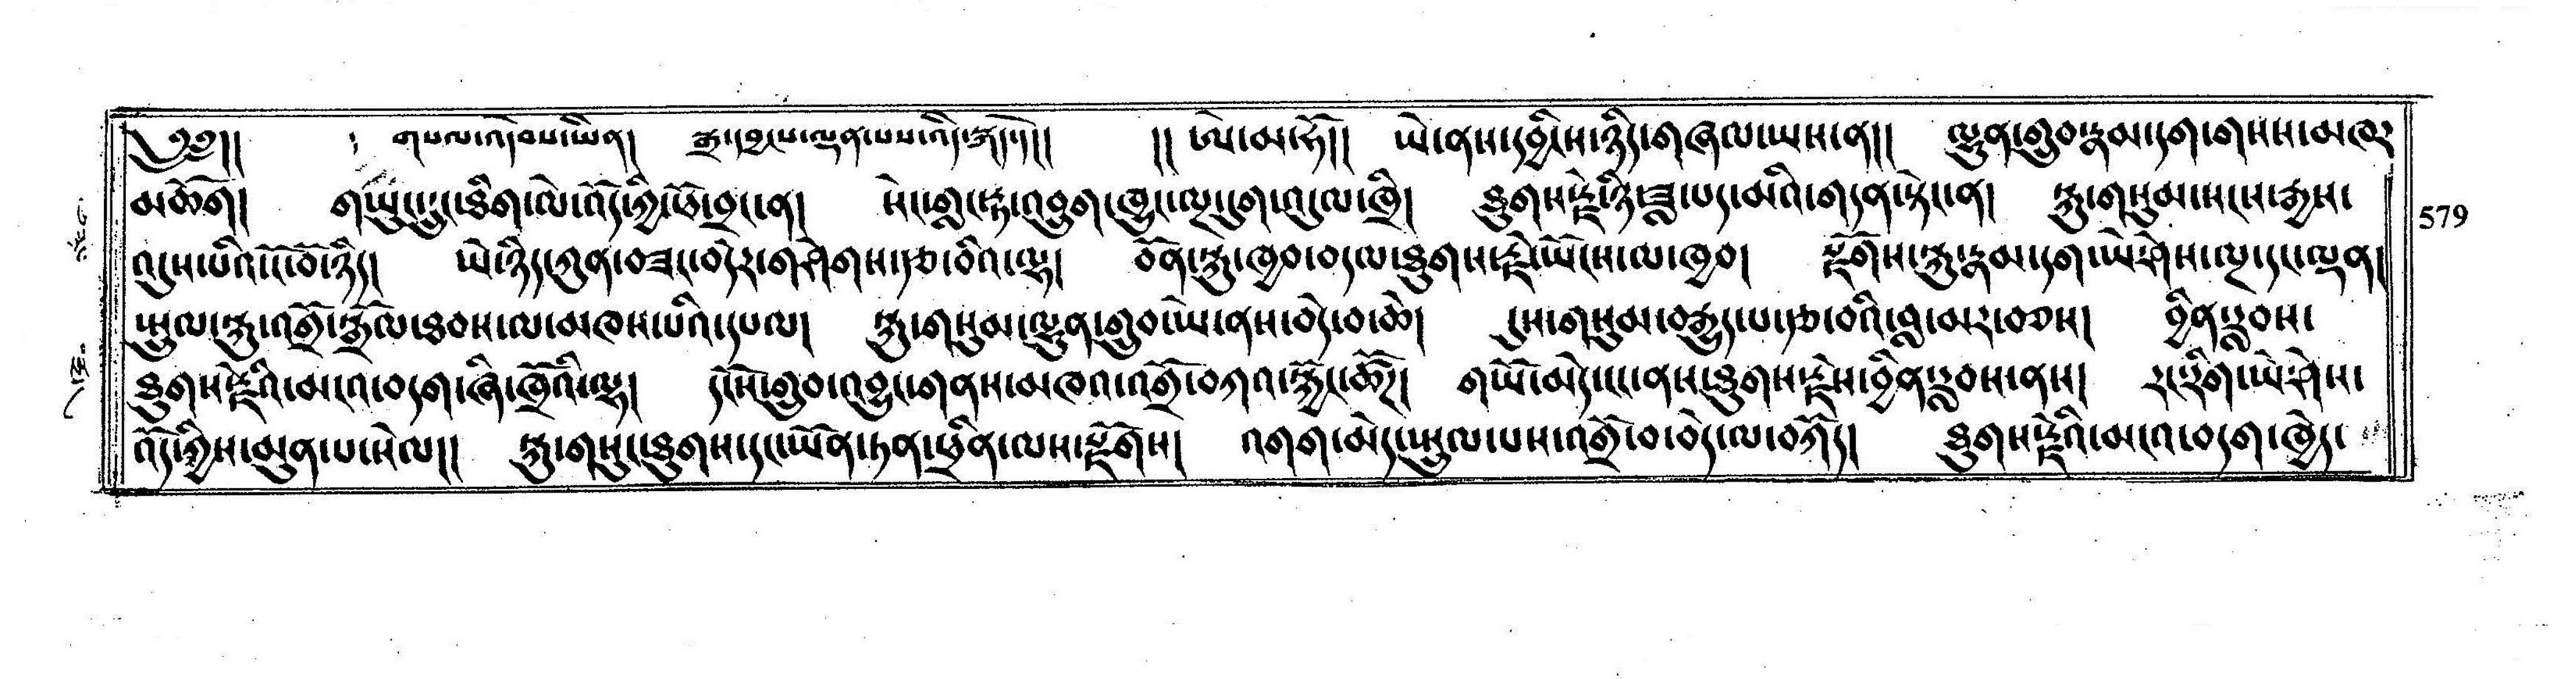གསལ་འདེབས་ཡིན། སྒྲ་དབྱངས་ལྡན་པས་འདི་སྐད་དོ།། །།ཨེ་མ་ཧོ།། ཡེ་ནས་དབྱིངས་ཉིད་གཞལ་ཡས་ན།། ལྷུན་གྲུབ་རྣམ་དག་གསས་མཁར་
མཆོག གཡུང་དྲུང་ཐིག་ལེ་འོད་ཀྱི་ཕོ་བྲང་ན། སེང་གླང་རྟ་འབྲུག་ཁྱུང་ལྔ་དུག་འདུལ་ཁྲི། ཐུགས་རྗེ་ཉི་ཟླ་པད་མའི་གདན་སྟེང་ན། སྐུ་གསུམ་སངས་རྒྱས་
འདུས་པའི་ངོ་བོ་ཉིད། ཡེ་ཉིད་ཀུན་བཟང་བདེར་གཤེགས་རྩ་བའི་ལྷ། བོན་སྐུ་ཁྱབ་བདལ་ཐུགས་རྗེ་ཡོངས་ལ་ཁྱབ། རྫོགས་སྐུ་རྣམ་དག་ཡེ་ཤེས་ལྔ་དང་ལྡན། 
སྤྲུལ་སྐུ་འགྲོ་སྒྲོལ་ཐབས་ལ་མཁས་པའི་དཔལ། སྐུ་གསུམ་ལྷུན་གྲུབ་ཡེ་ནས་བདེ་བ་ཆེ། དུས་གསུམ་བརྒྱུད་པ་རྩ་བའི་བླ་མར་བཅས། བྱིན་རླབས་
ཐུགས་རྗེའི་མངའ་བདག་ཞི་ཁྲོའི་ལྷ། དངོས་གྲུབ་འབྱུང་གནས་མཁའ་འགྲོ་བཀའ་སྐྱོང་ཚོགས། གཡོ་མེད་ངང་ནས་ཐུགས་རྗེས་བྱིན་རླབས་ནས། རང་རིག་ཡེ་ཤེས་
འོད་ཀྱིས་མུན་པ་སེལ།། སྐུ་གསུང་ཐུགས་དང་ཡོན་ཏན་ཕྲིན་ལས་རྫོགས། འགག་མེད་སྤྲུལ་པས་འགྲོ་བ་བདེ་ལ་བཀོད། ཐུགས་རྗེའི་མངའ་བདག་ཁྱེད་